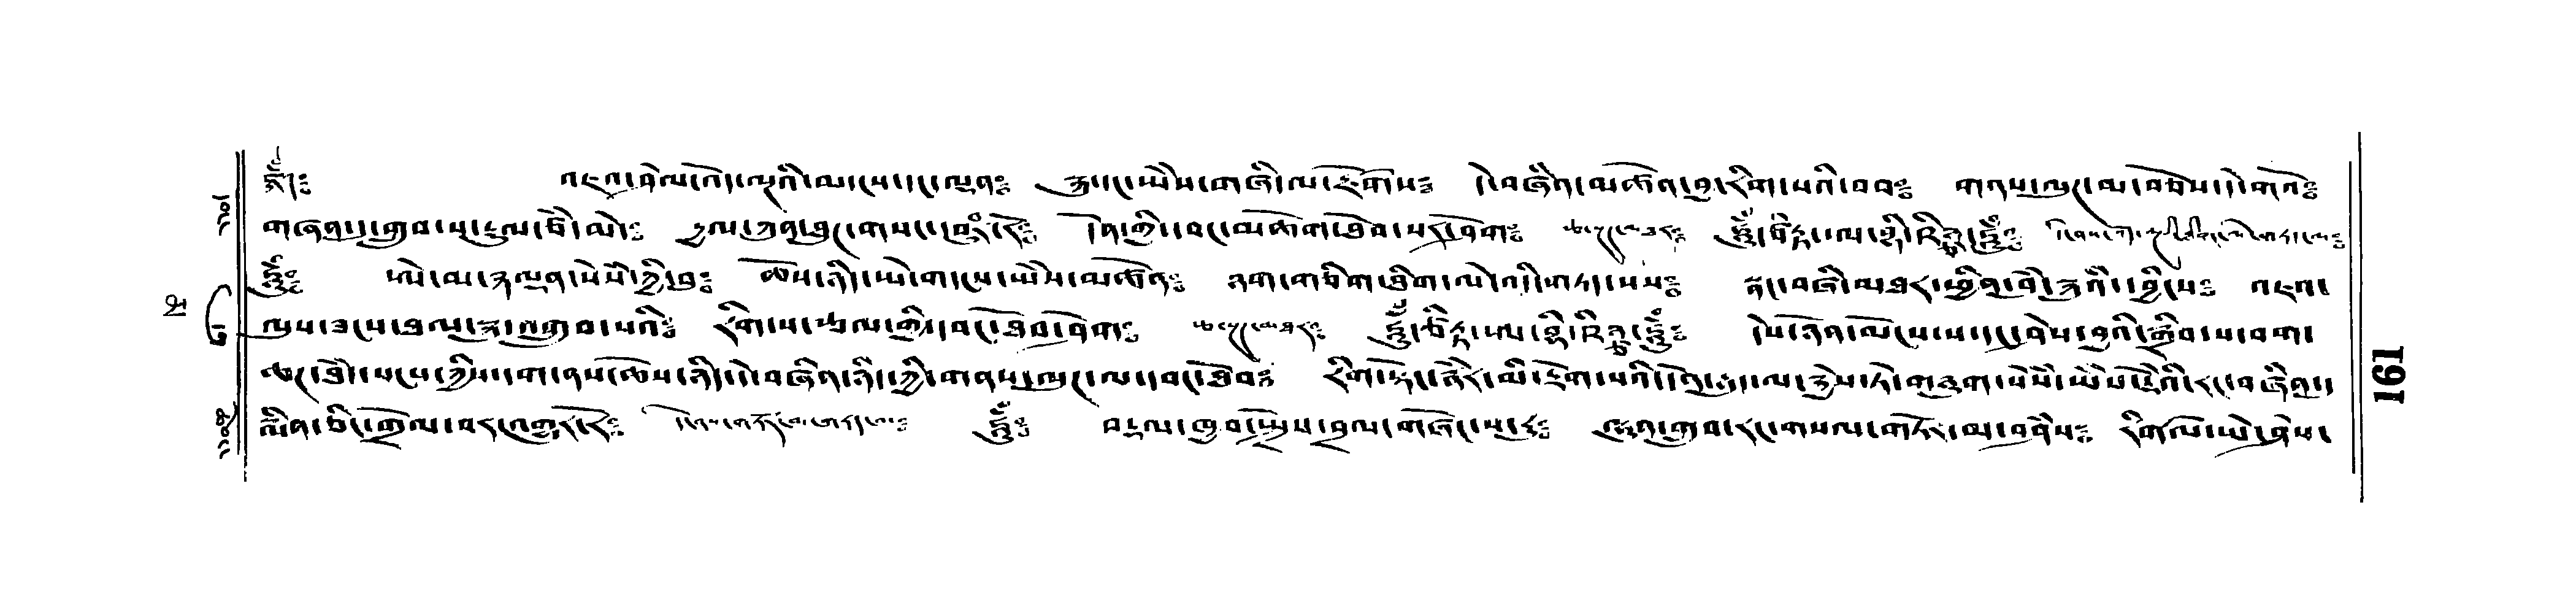འཇའ་ཤེལ་འོད་ལྔའི་མདངས་དང་ལྡན༔ སྐུ་དང་ཡེ་ཤེས་གཞི་ལ་རྫོགས༔ དེ་བཞིན་མཚོན་བྱ་རིག་པའི་བབས༔ གནས་ལུགས་མ་བཅོས་དེ་གའོ༔ 
གཞན་དུ་གྲུབ་པ་རྡུལ་ཙམ་མེད༔ རྒྱལ་ཀུན་ཐུགས་གསང་དབང་བསྐུར་རོ༔ དོན་གྱི་དབང་མཆོག་ཐོབ་པར་ཤོག༔ རྩ་སྔགས་མཐར༔ ཧཱུྃ་ཙིཏྟ་ཨ་བྷི་རིཉྩ་ཧཱུྃ༔ དེ་ནས་འོད་ལྔའི་ཐིག་ལེ་གཏད་ལ༔ 
ཧཱུྃ༔ ཨེ་མ་སྐལ་ལྡན་སེམས་ཀྱི་བུ༔ ཆོས་ཉིད་ཡེ་གདངས་ཡེ་ཤེས་མཚོན༔ ཉག་གཅིག་ཐིག་ལེ་འདི་གཏད་པས༔ སྣང་བཞི་མཐར་ཕྱིན་བུམ་སྐུའི་དབྱིངས༔ འཇའ་
ལུས་ཟང་ཐལ་སྐུ་འགྲུབ་པའི༔ རིག་པ་རྩལ་གྱི་དབང་ཐོབ་ཤོག༔ རྩ་སྔགས་མཐར༔ ཧཱུྃ་ཙིཏྟ་ཨ་བྷི་རིཉྩ་ཧཱུྃ༔ དེས་ཉོན་མོངས་པ་དང་ཤེས་བྱའི་སྒྲིབ་པ་བག་
ཆགས་ཐམས་ཅད་སངས་ཀྱིས་དག་ནས་ཆོས་ཉིད་དེ་བཞིན་ཉིད་ཀྱི་གནས་ལུགས་ལ་དབང་ཐོབ༔ རིག་སྟོང་རྣམ་པར་མི་རྟོག་པའི་དོན་རྒྱུད་ལ་སྐྱེས་ཏེ་གཉུག་སེམས་ཡེ་ཤེས་རྡོ་རྗེའི་རང་བཞིན་དུ་
སྨིན་ཅིང་གྲོལ་བར་འགྱུར་རོ༔ དེ་ནས་གཏོར་མ་གཏད་ལ༔ ཧཱུྃ༔ བརྡལ་ཁྱབ་སྤྲོས་བྲལ་གཞོང་པ་རུ༔ལྷུན་གྲུབ་རང་གསལ་གཏོར་མ་བཤམས༔ རིག་རྩལ་ཡེ་ཤེས་